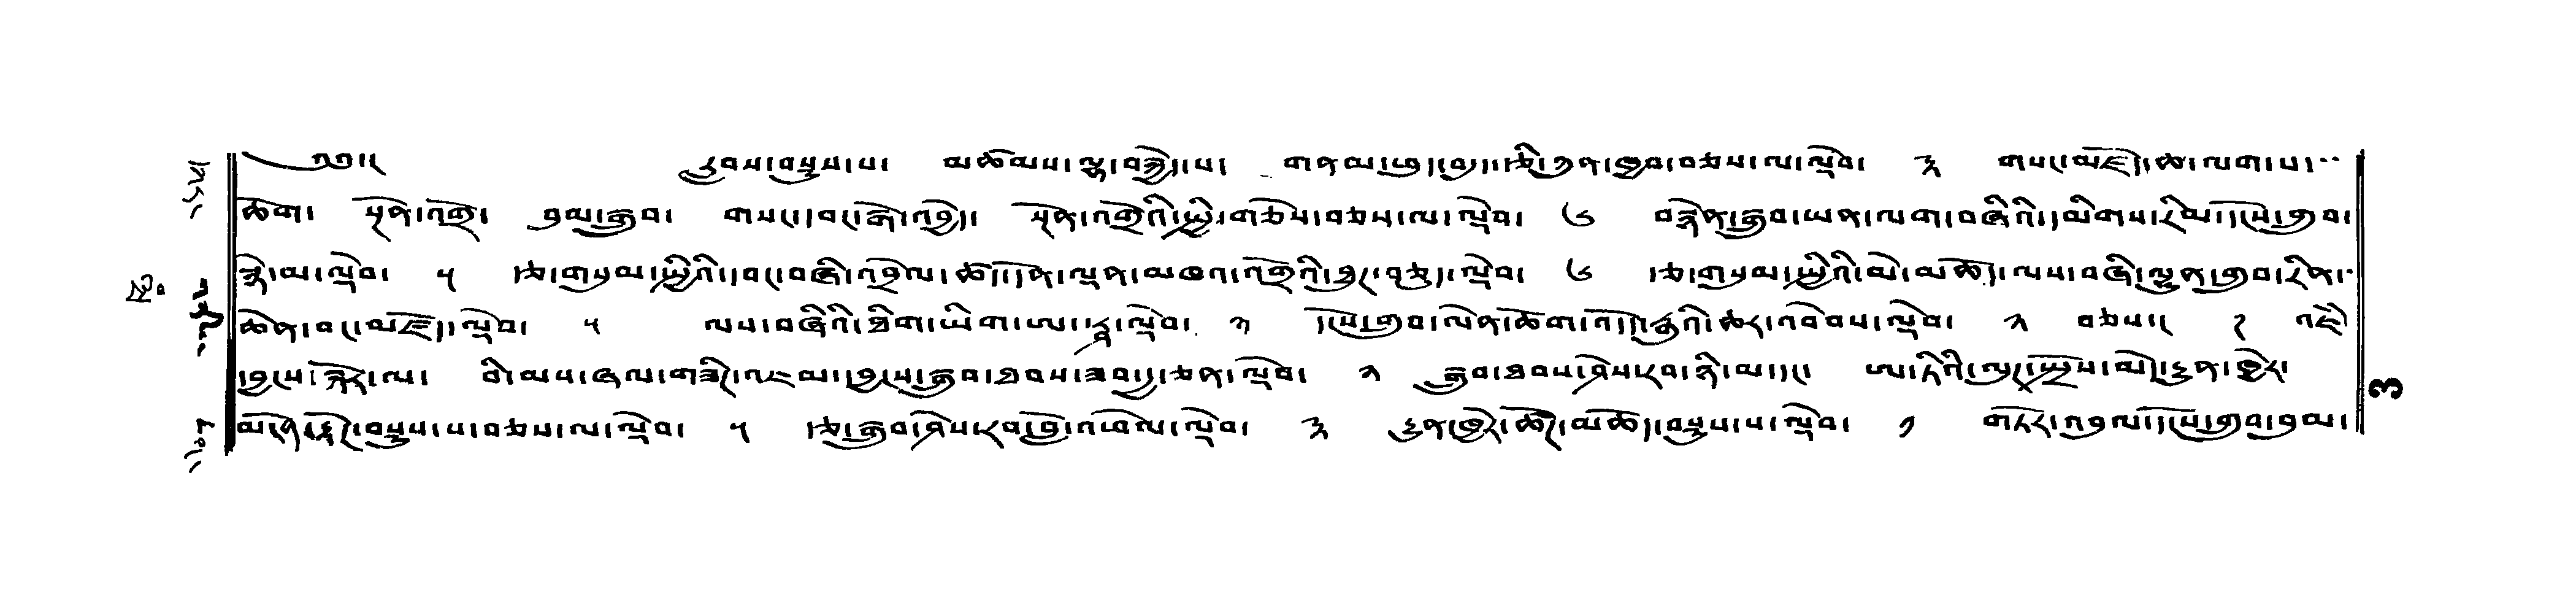རླབས་བསྡུས་པ། མཚམས་ལྷ་བསྐྱེད་པ། གནམ་ཕུད་བདུད་རྩི་ཀུན་ཁྱབ་བཅས་ལ་ལྡེབ། གསང་མཛོད་ཆ་ལག་ས་
ཆོག སྔོན་འགྲོ། བུམ་སྒྲུབ། གསང་དབང་སྒོ་འབྱེད། སྔོན་འགྲོའི་སྤྱི་གཅེས་བཅས་ལ་ལྡེབ། སྙེན་སྒྲུབ་ཡན་ལག་བཞིའི་དམིགས་རིམ་དངོས་གྲུབ་
སྙེ་མ་ལྡེབ། རྩ་གསུམ་སྤྱིའི་དབང་བཞི་འབྲེལ་ཚད་དོན་ལྡན་མཁའ་འགྲོའི་ཐུགས་བཅུད་ལྡེབ། རྩ་གསུམ་སྤྱིའི་མེ་མཆོད་ལས་བཞི་ལྷུན་གྲུབ་རིན་
ཆེན་བང་མཛོད་ལྡེབ། ལས་བཞིའི་ཐིག་ཡིག་ཨ་རྴ་ལྡེབ། དངོས་གྲུབ་ལེན་ཆོག་འདོད་རྒུའི་ཆར་འབེབས་ལྡེབ། བཅས། ༈ འཇམ་
དབྱངས་སྐོར་ལ། བཱི་མས་ཞལ་གཟིགས་འཇམ་དབྱངས་སྒྲུབ་ཐབས་ཟབ་རྒྱ་ཅན་ལྡེབ། སྒྲུབ་ཐབས་ཤེས་རབ་ཉི་མ་དང་། ཨ་ཏིའི་ལུགས་སྤྲོས་མེད་རྒྱུན་ཁྱེར། 
མངོན་རྟོགས་བསྡུས་པ་བཅས་ལ་ལྡེབ། རྩ་སྒྲུབ་ཤེས་རབ་བློ་འཕེལ་ལྡེབ། རྒྱུན་ཁྱེར་ཚོགས་མཆོད་བསྡུས་པ་ལྡེབ། གཏོར་འབུལ་དངོས་གྲུབ་བུམ་